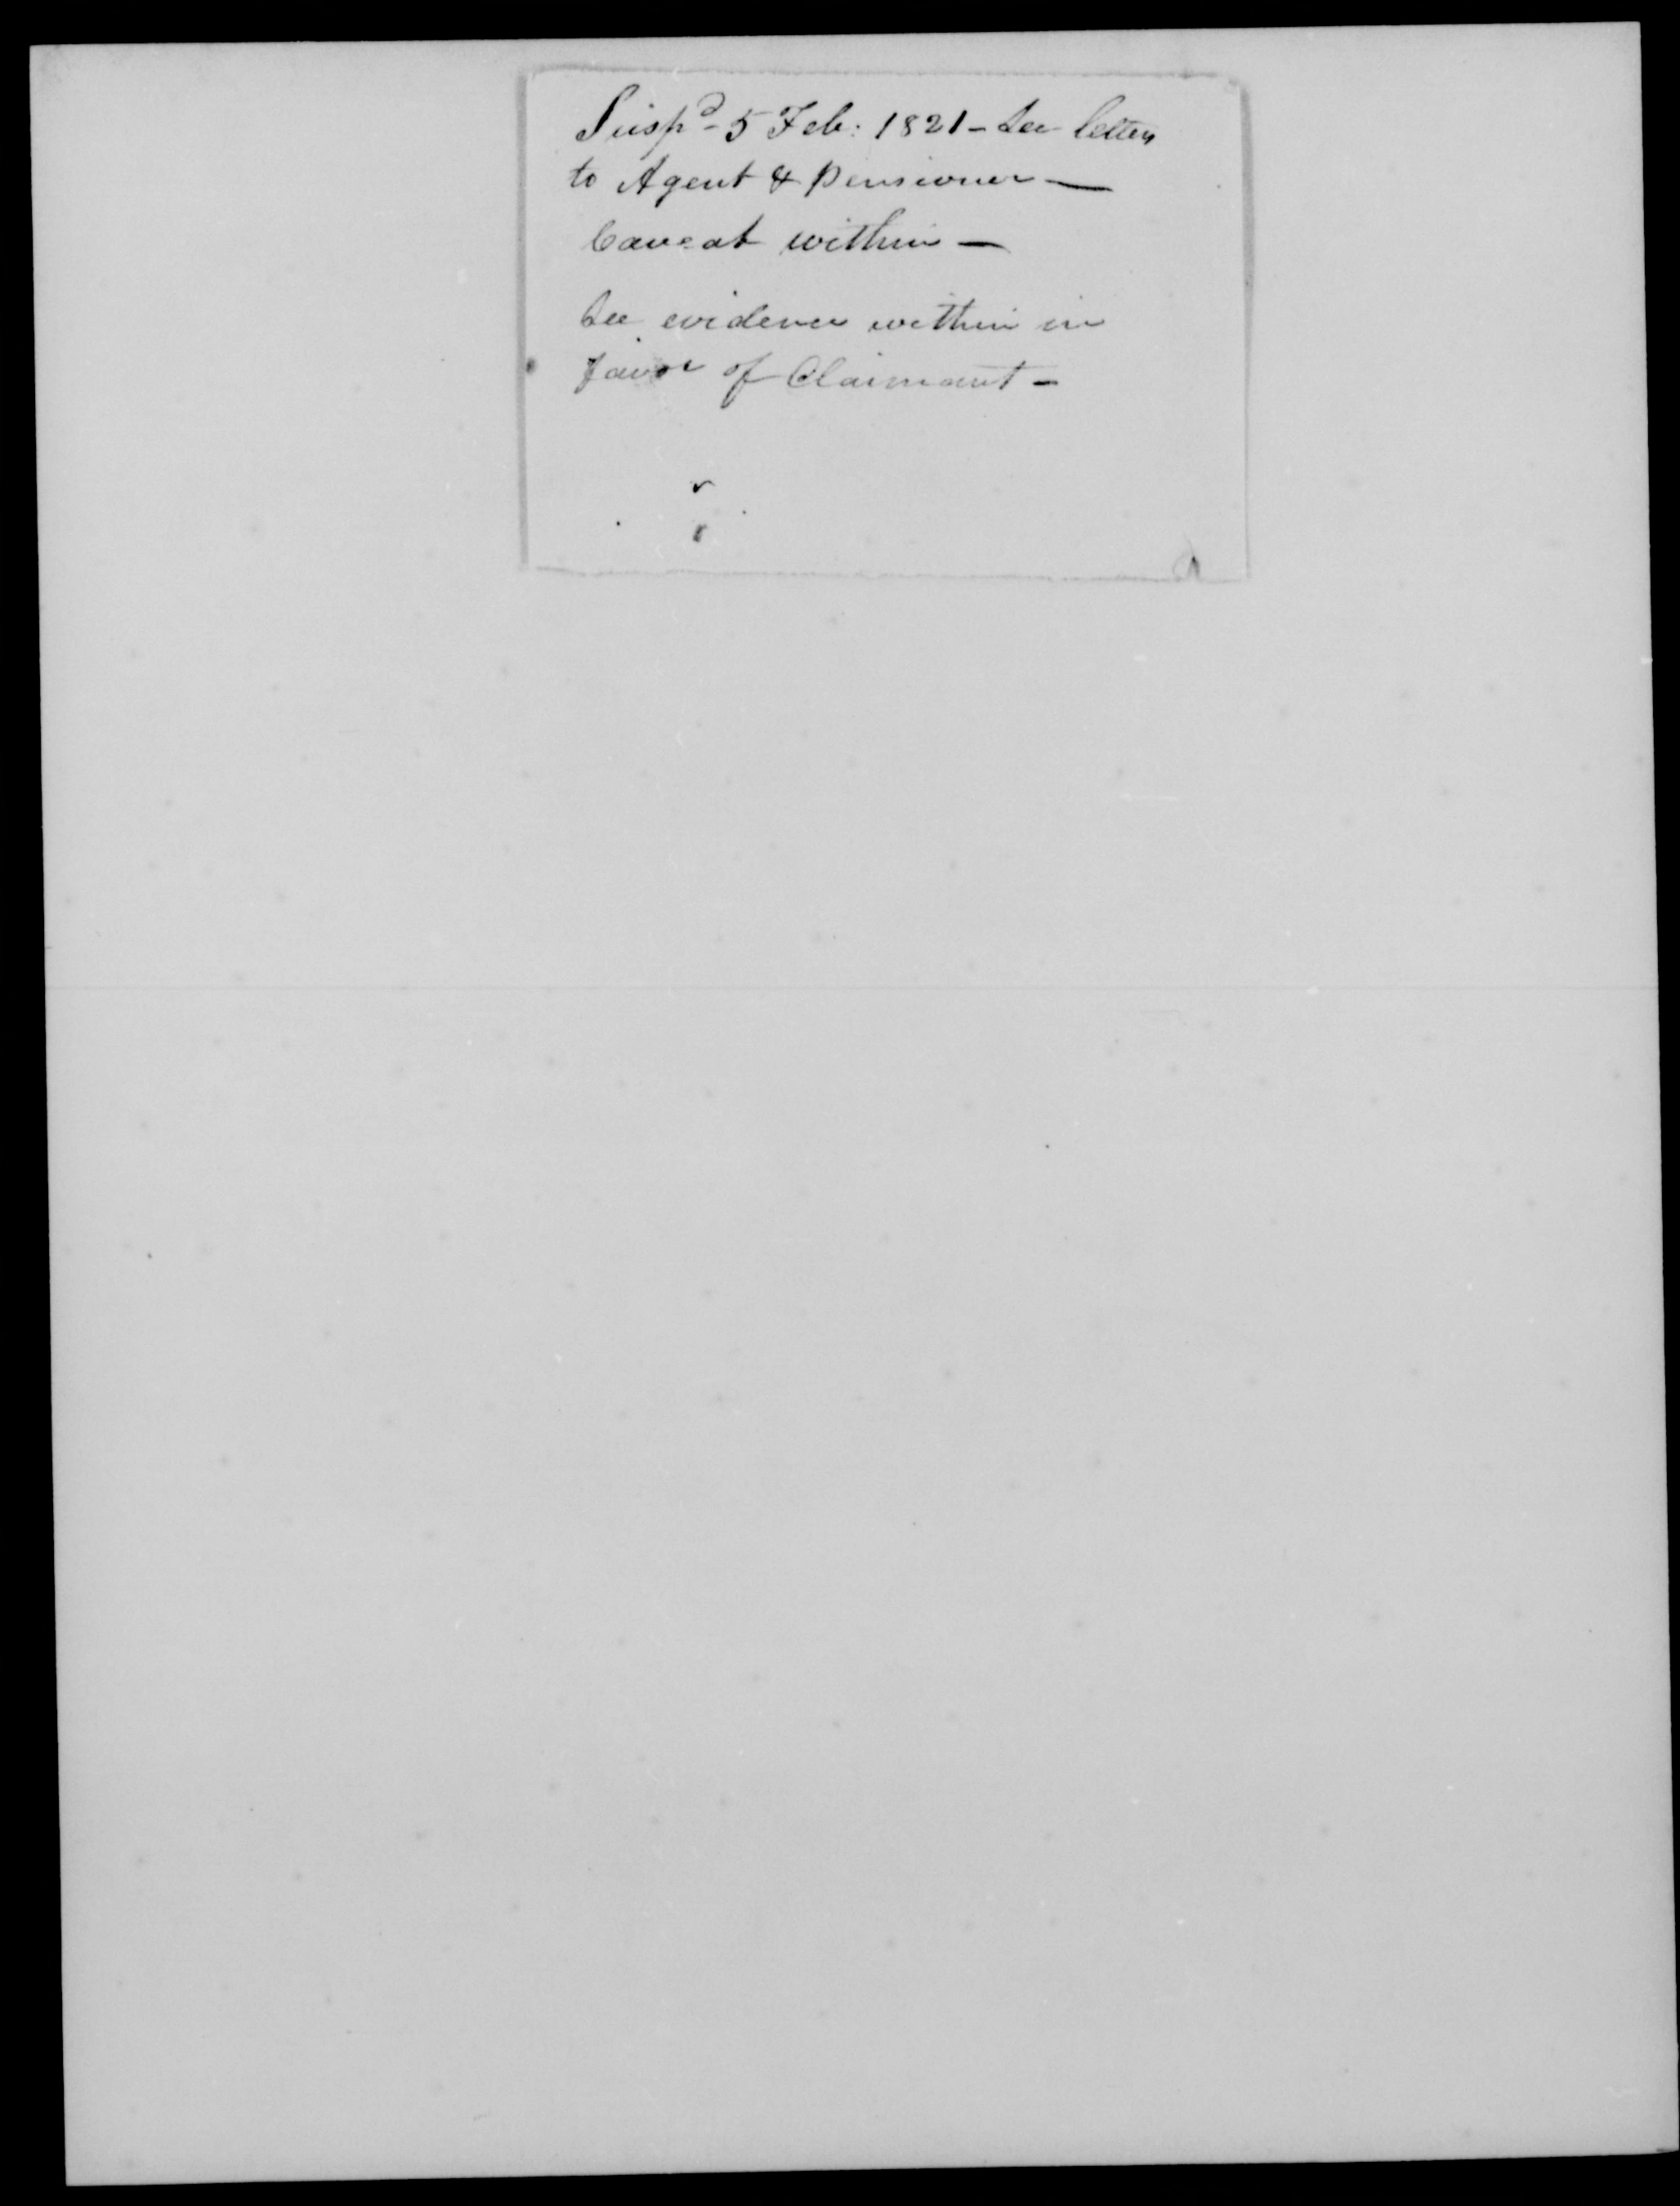Supd 5 Feb `1821 - See letter to Agent & pensioner - Caveat within - See evidence within in favor of Claimant -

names: [BLANK]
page: 14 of 66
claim: survivor's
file: S 40458, for Obadiah Smith, New York